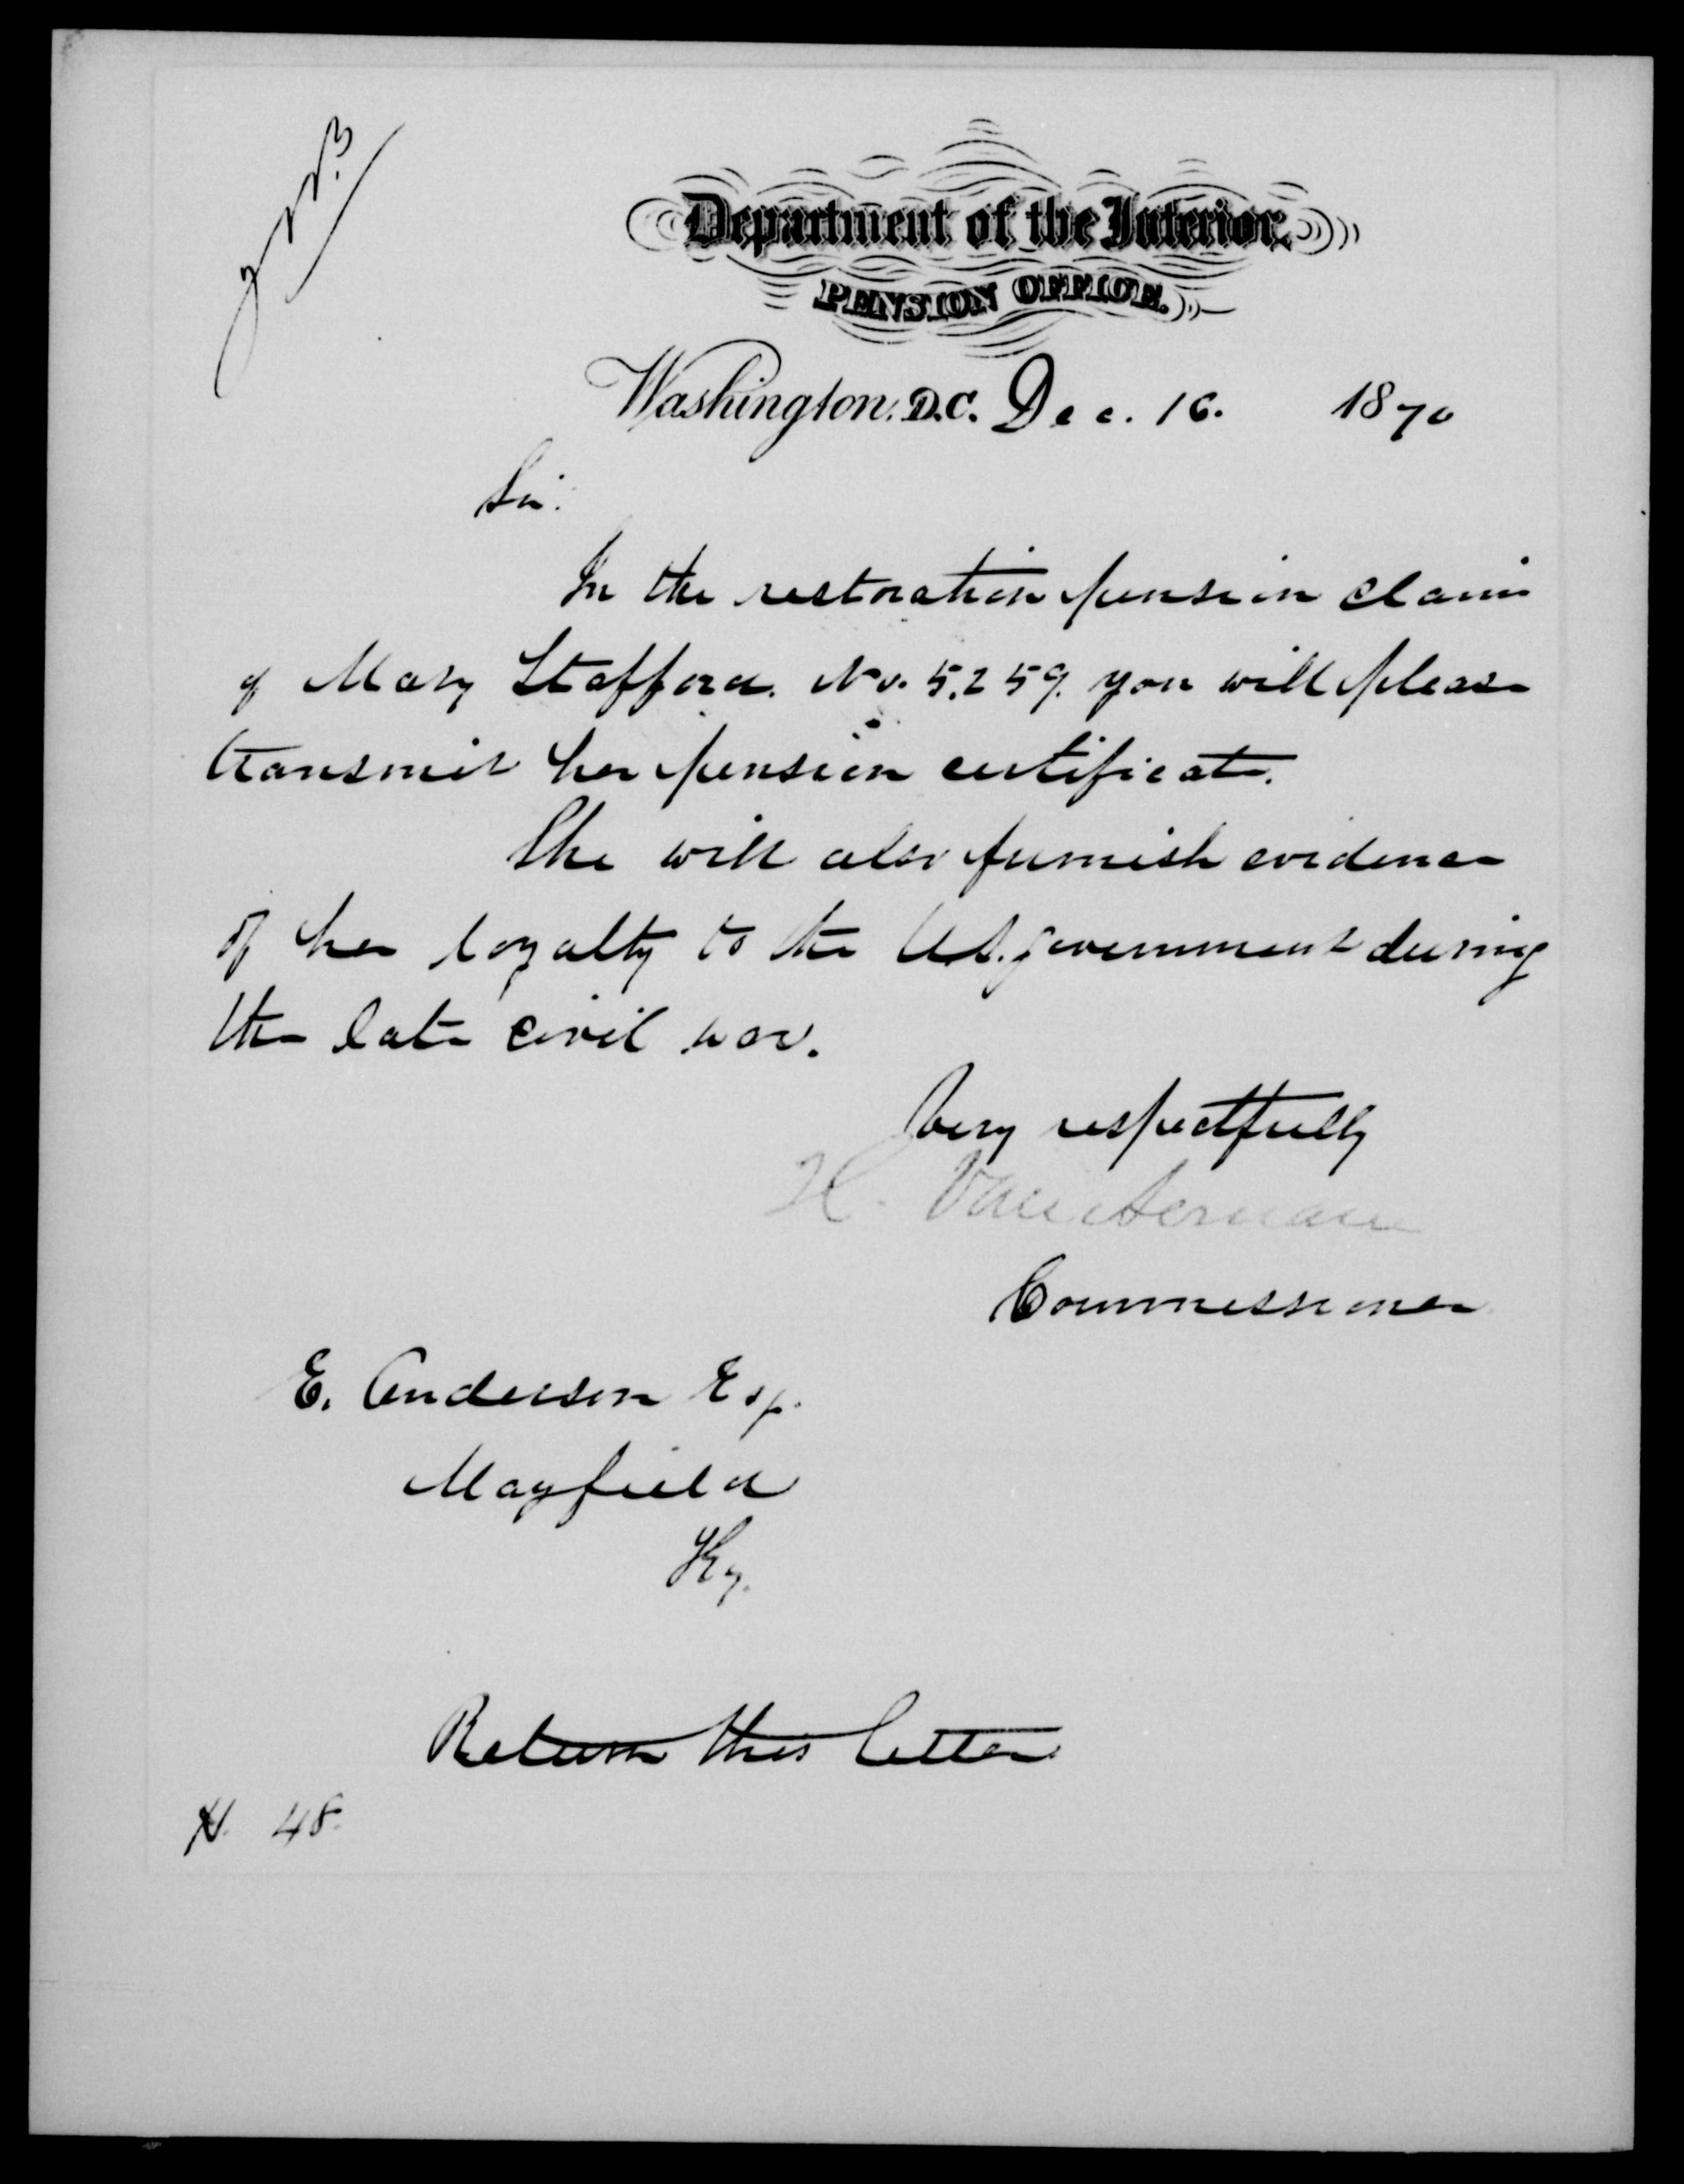Department of the Interior
Pension office
Washington, D.C. Dec 16. 1870

Sir
In the restoration pension in claim of Mary Stafford No. 5159 you will please transmit her pension certificate.
She will also furnish evidence of her loyalty to the US government during the late civil war. 
Very respectfully H Van Aernan
Commissioner
E Anderson Esq
Mayfield
Ky
Return this letter
H 48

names: H Van Aernan; Mary Stafford; E Anderson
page: 40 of 61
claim: widow's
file: W. 11554, for John Stafford, Maryland